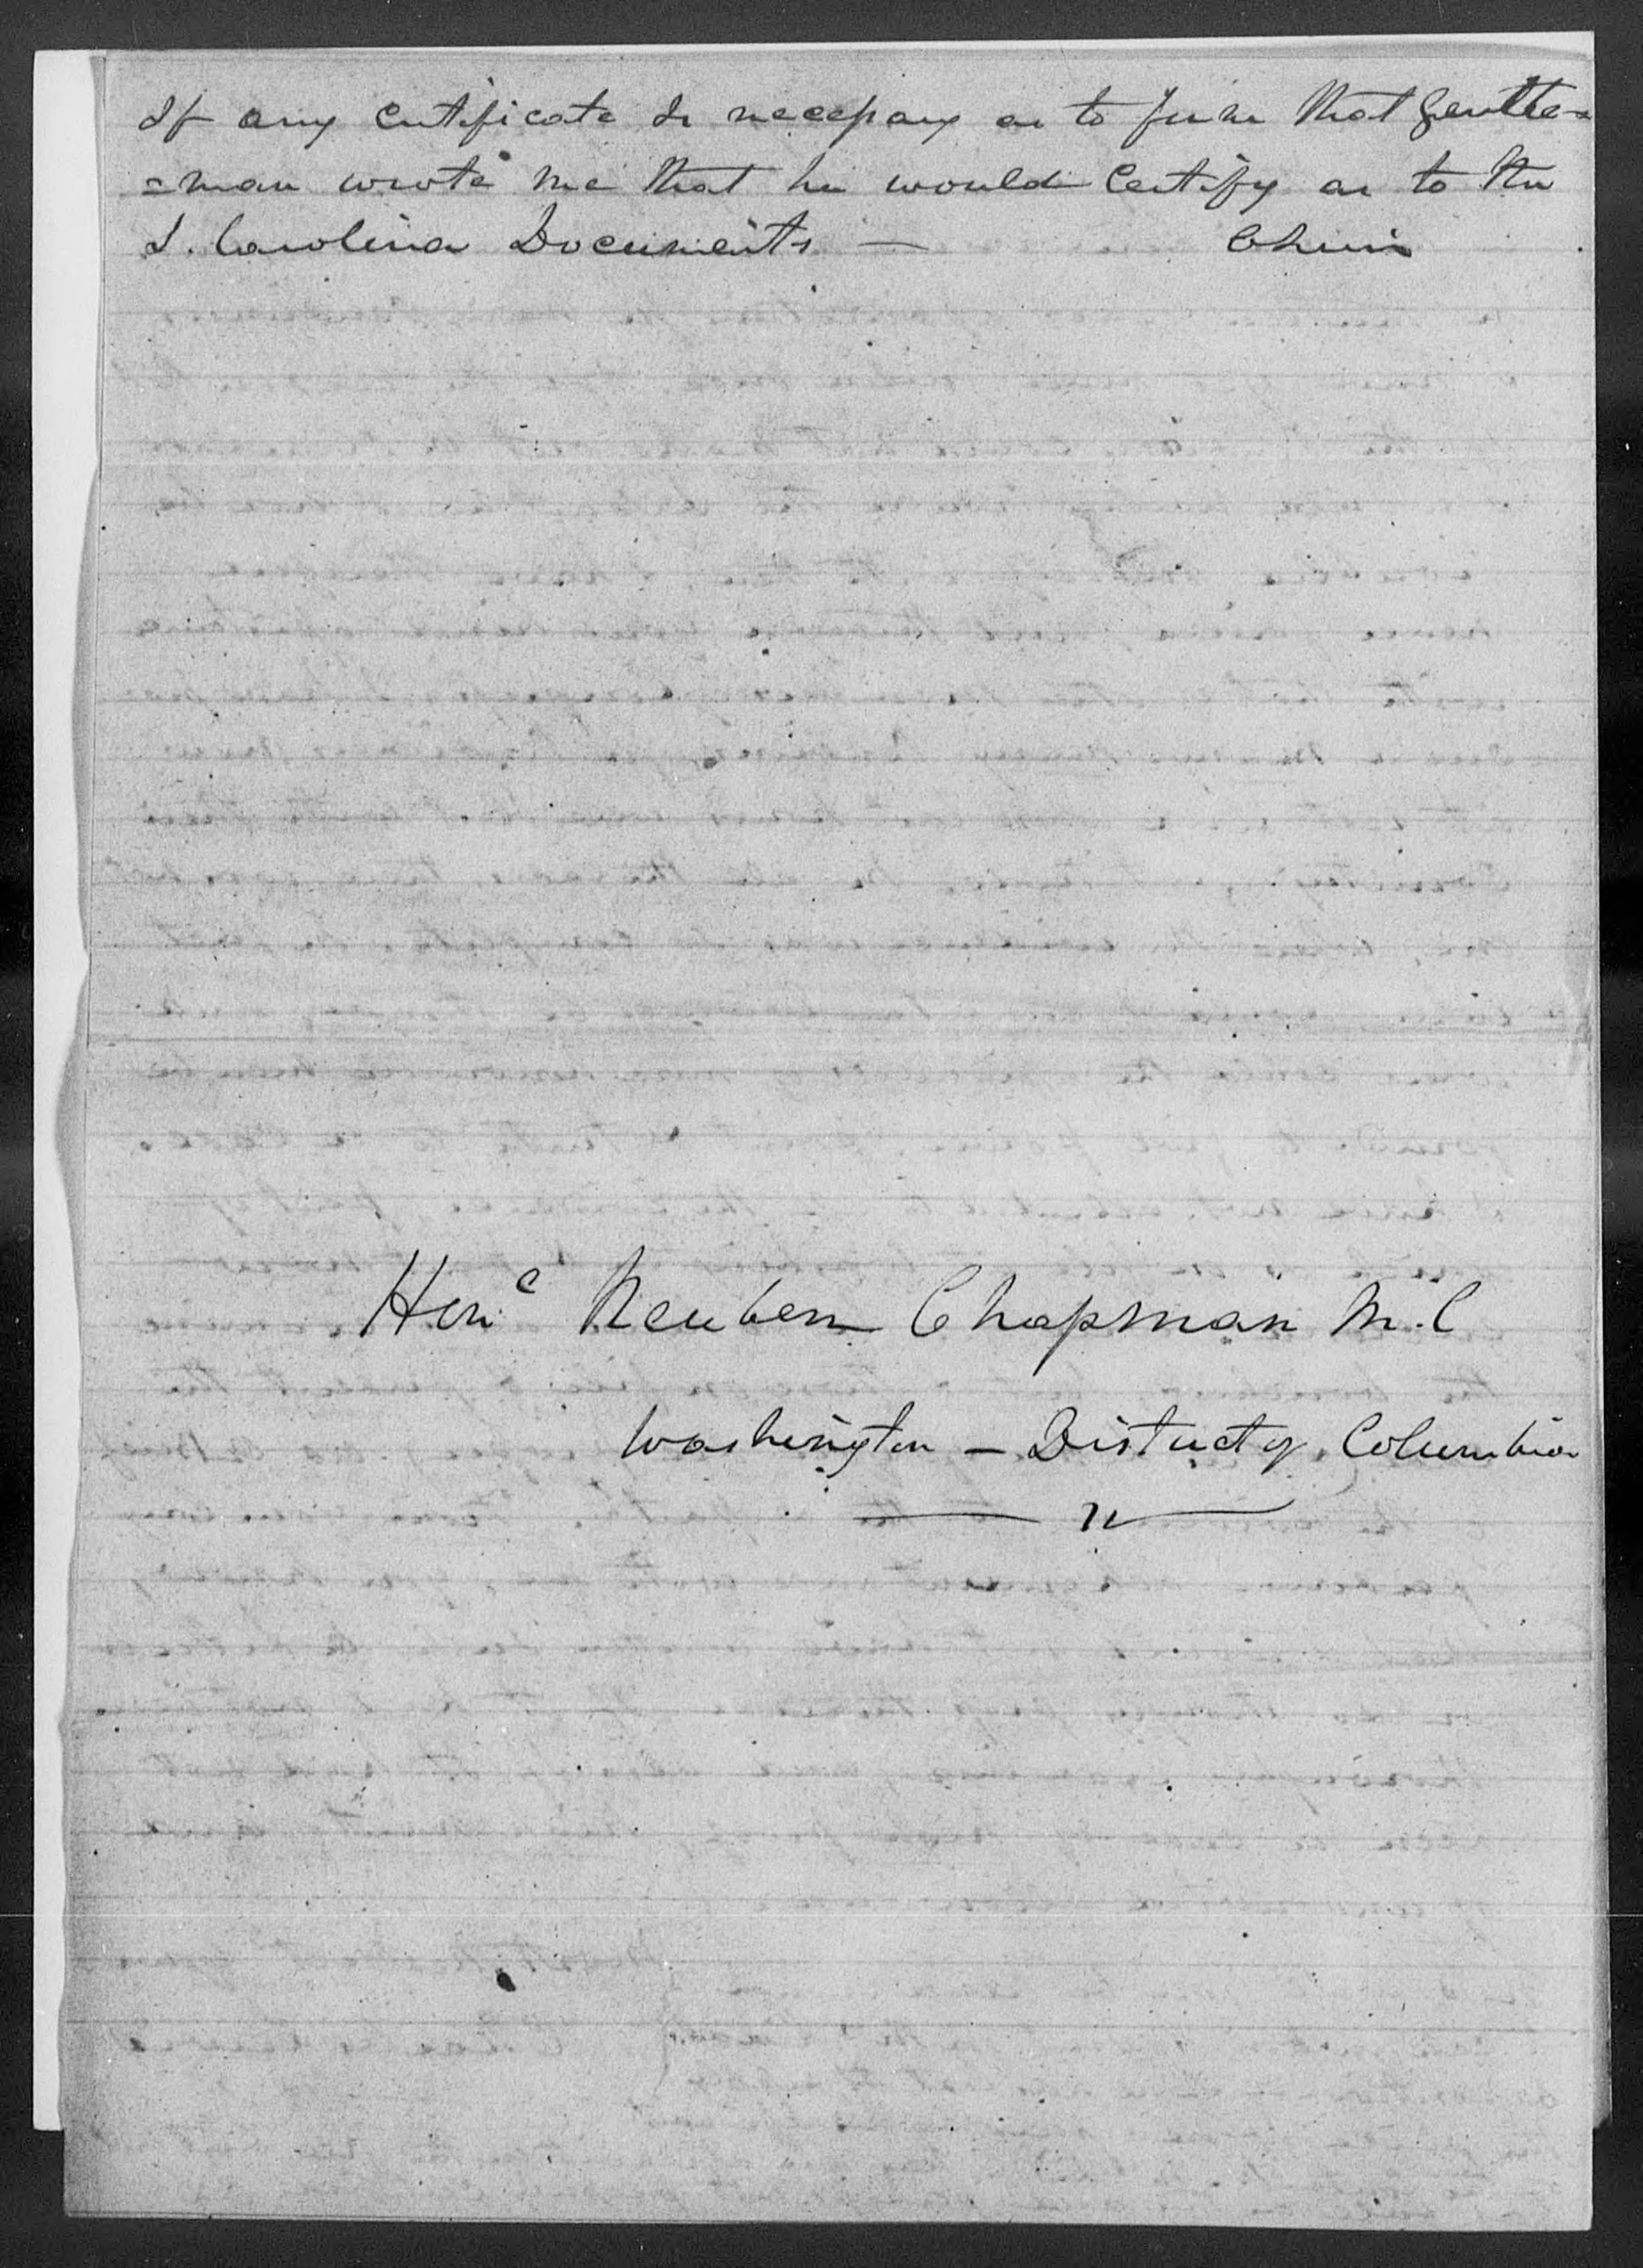If any certificate of necessary or to file that gentleman wrote me that he would certify as to the
S. Carolina documnts
Chris 
-
Hon Reuben Chapman M.C.
Washington. District of Columbia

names: Reuben Chapman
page: 63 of 91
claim: widow's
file: W. 10576, Francis Carlisle, S.C.